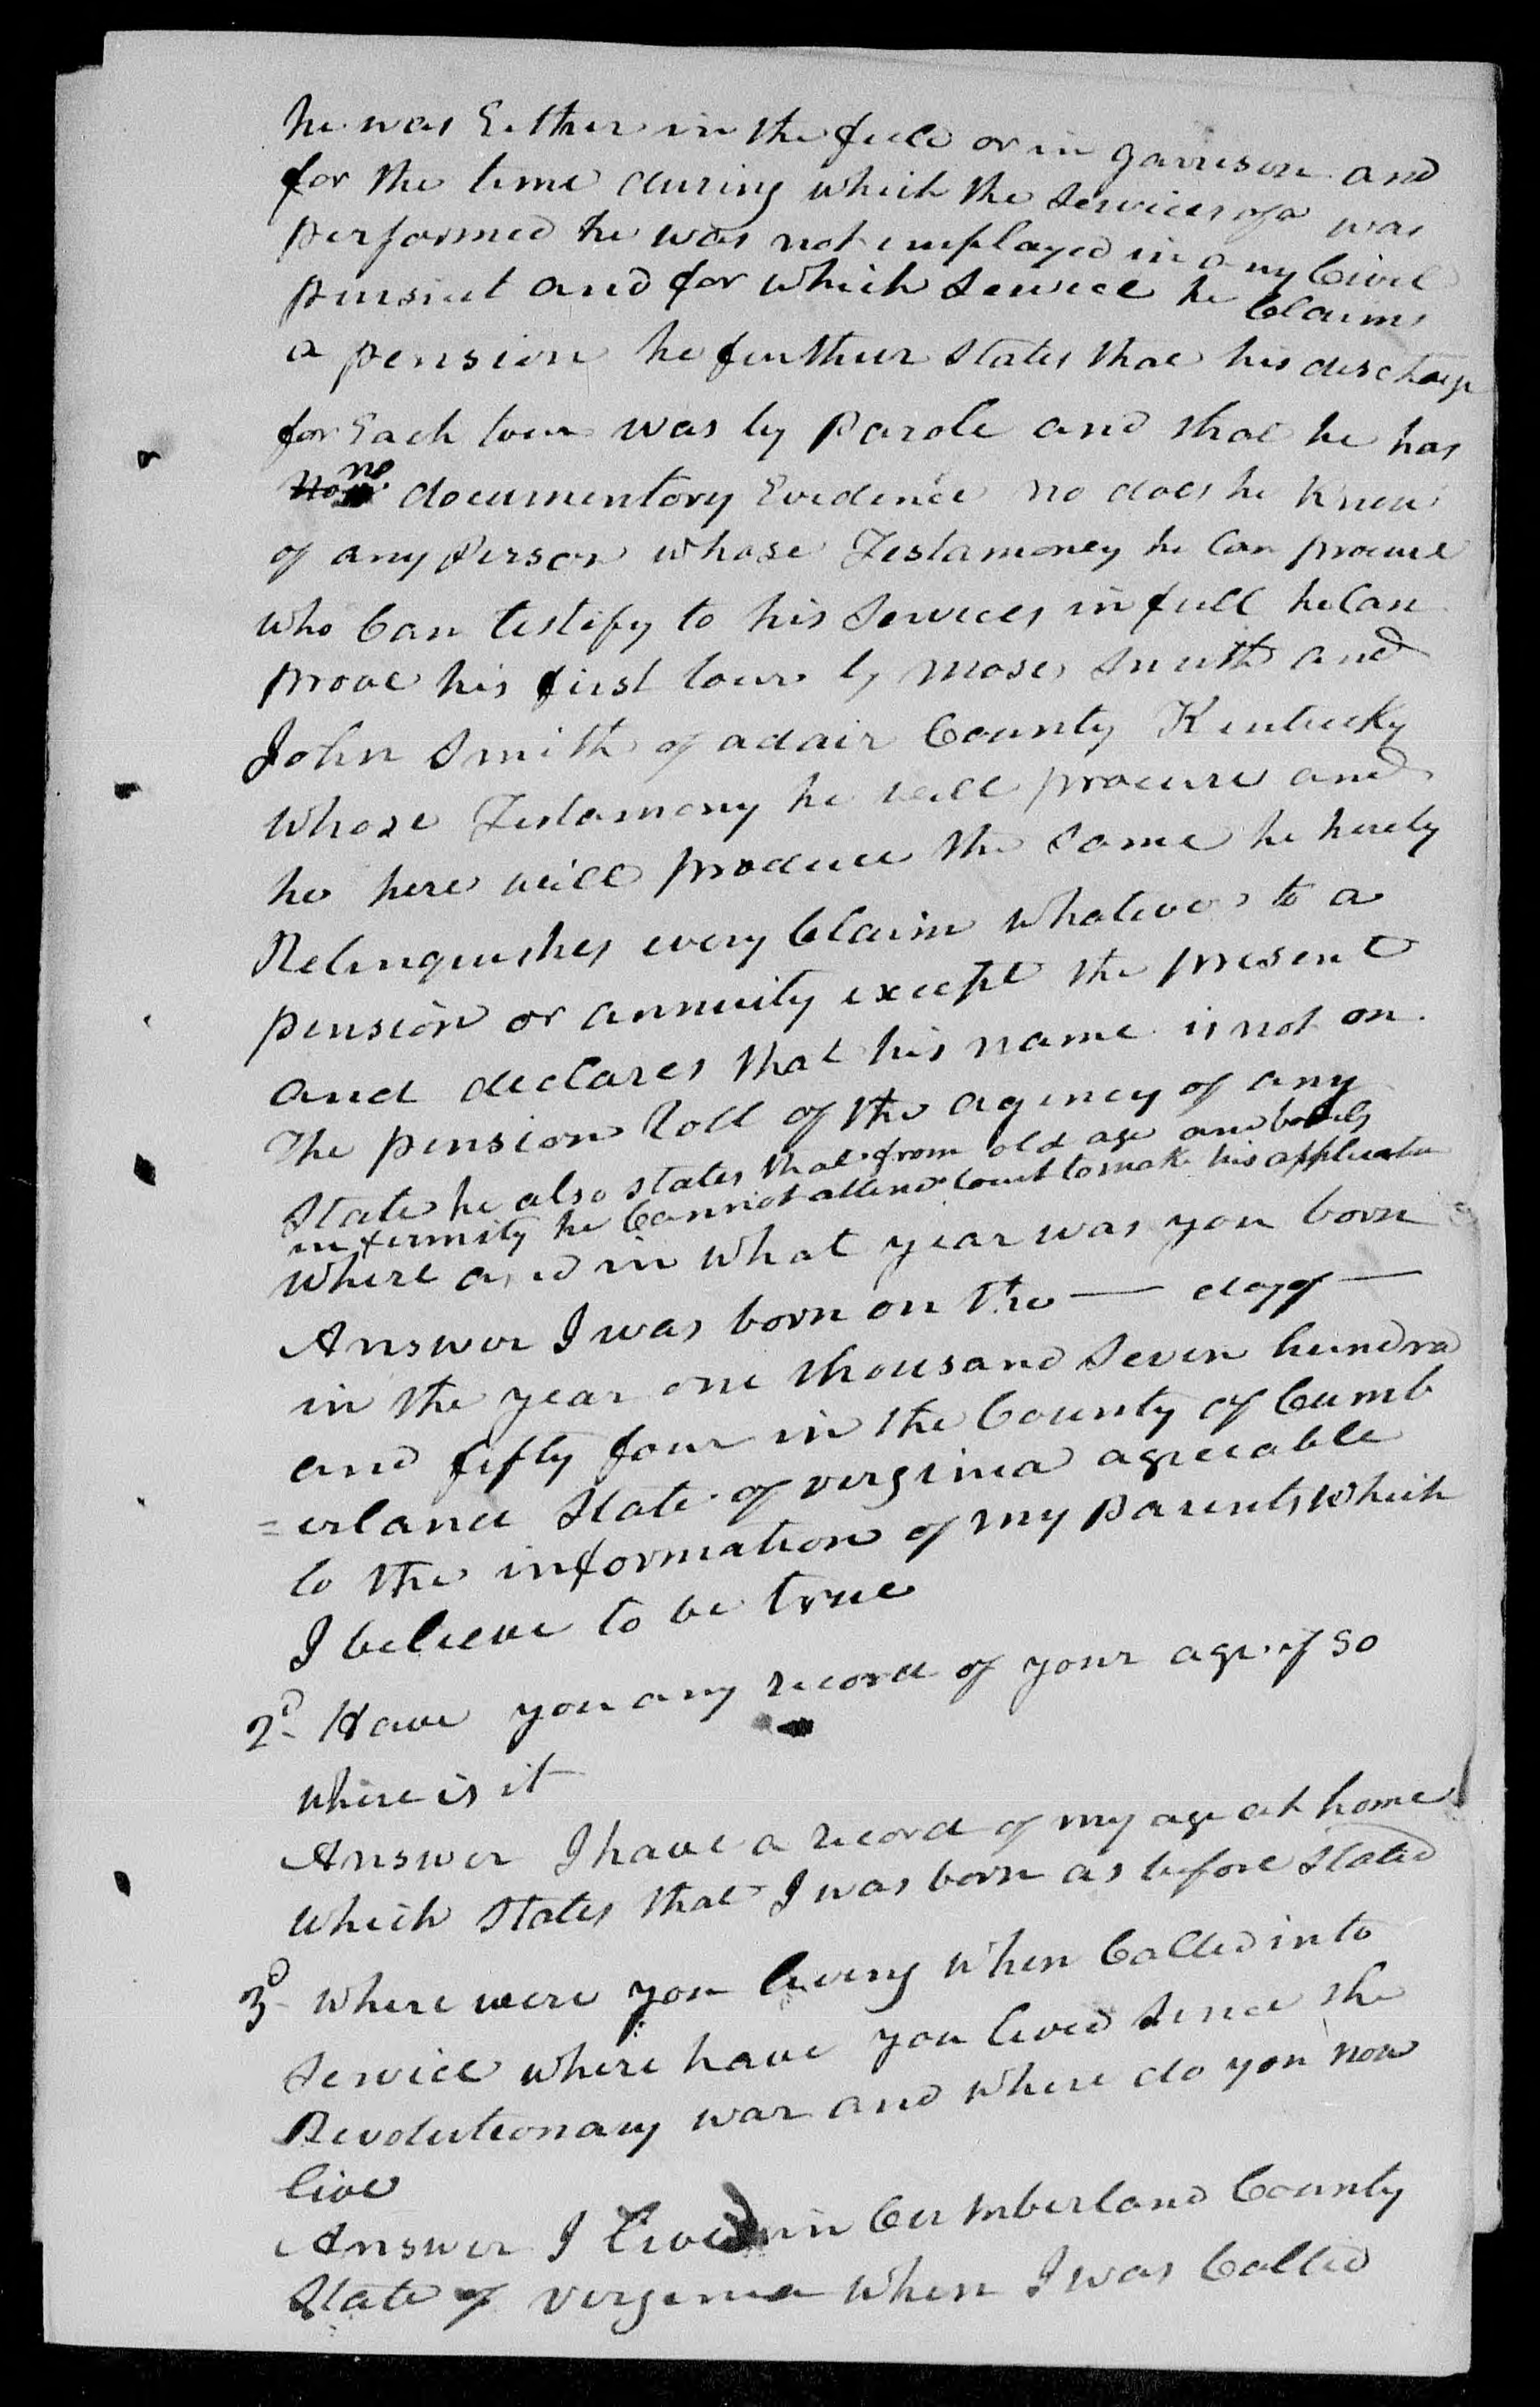he was either in the field or in garrison and 
for the time during which the services afd [aforesaid] was
performed he was not employed in any Civil pursuit and for which service he claims 
a pension he further states that his discharge for tour was by parole and that he has 
no documentary Evidence no does he know 
of any person whose testimony he can procure who can testify to his services in full he can
prove his first tour by Moses Smith and 
John Smith of Adair County Kentucky 
whose Testamony [testimony] he will procure and 
he here will produce the same he hereby
Relinquishes every claim whatever to a 
pension or annuity except the present 
and declares that his name is not on 
The pension roll of the agency of any 
state he also states that from old age and bodily 
infirmity he cannot attend court to make his application 
Where and in what year was you born 
Answer I was born on the [blank] day of [blank]
 in the year one thousand seven hundred 
and fifty four in the County of Cumb
=erland state of Virginia agreeable 
to the information of my parents which 
I believe to be true 

2d--Have you any record of your age if so where is it 
Answer I have a record of my age at home which states that I was born as before stated 

3d-- where were you living when called into service where have you lived since the Revolutionary war and where do you now live
Answer I lived in Cumberland County 
state of Virginia when I was called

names: John Smith, Moses Smith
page: 6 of 16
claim: survivor's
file: S. 37,877, John Creasey, Va.